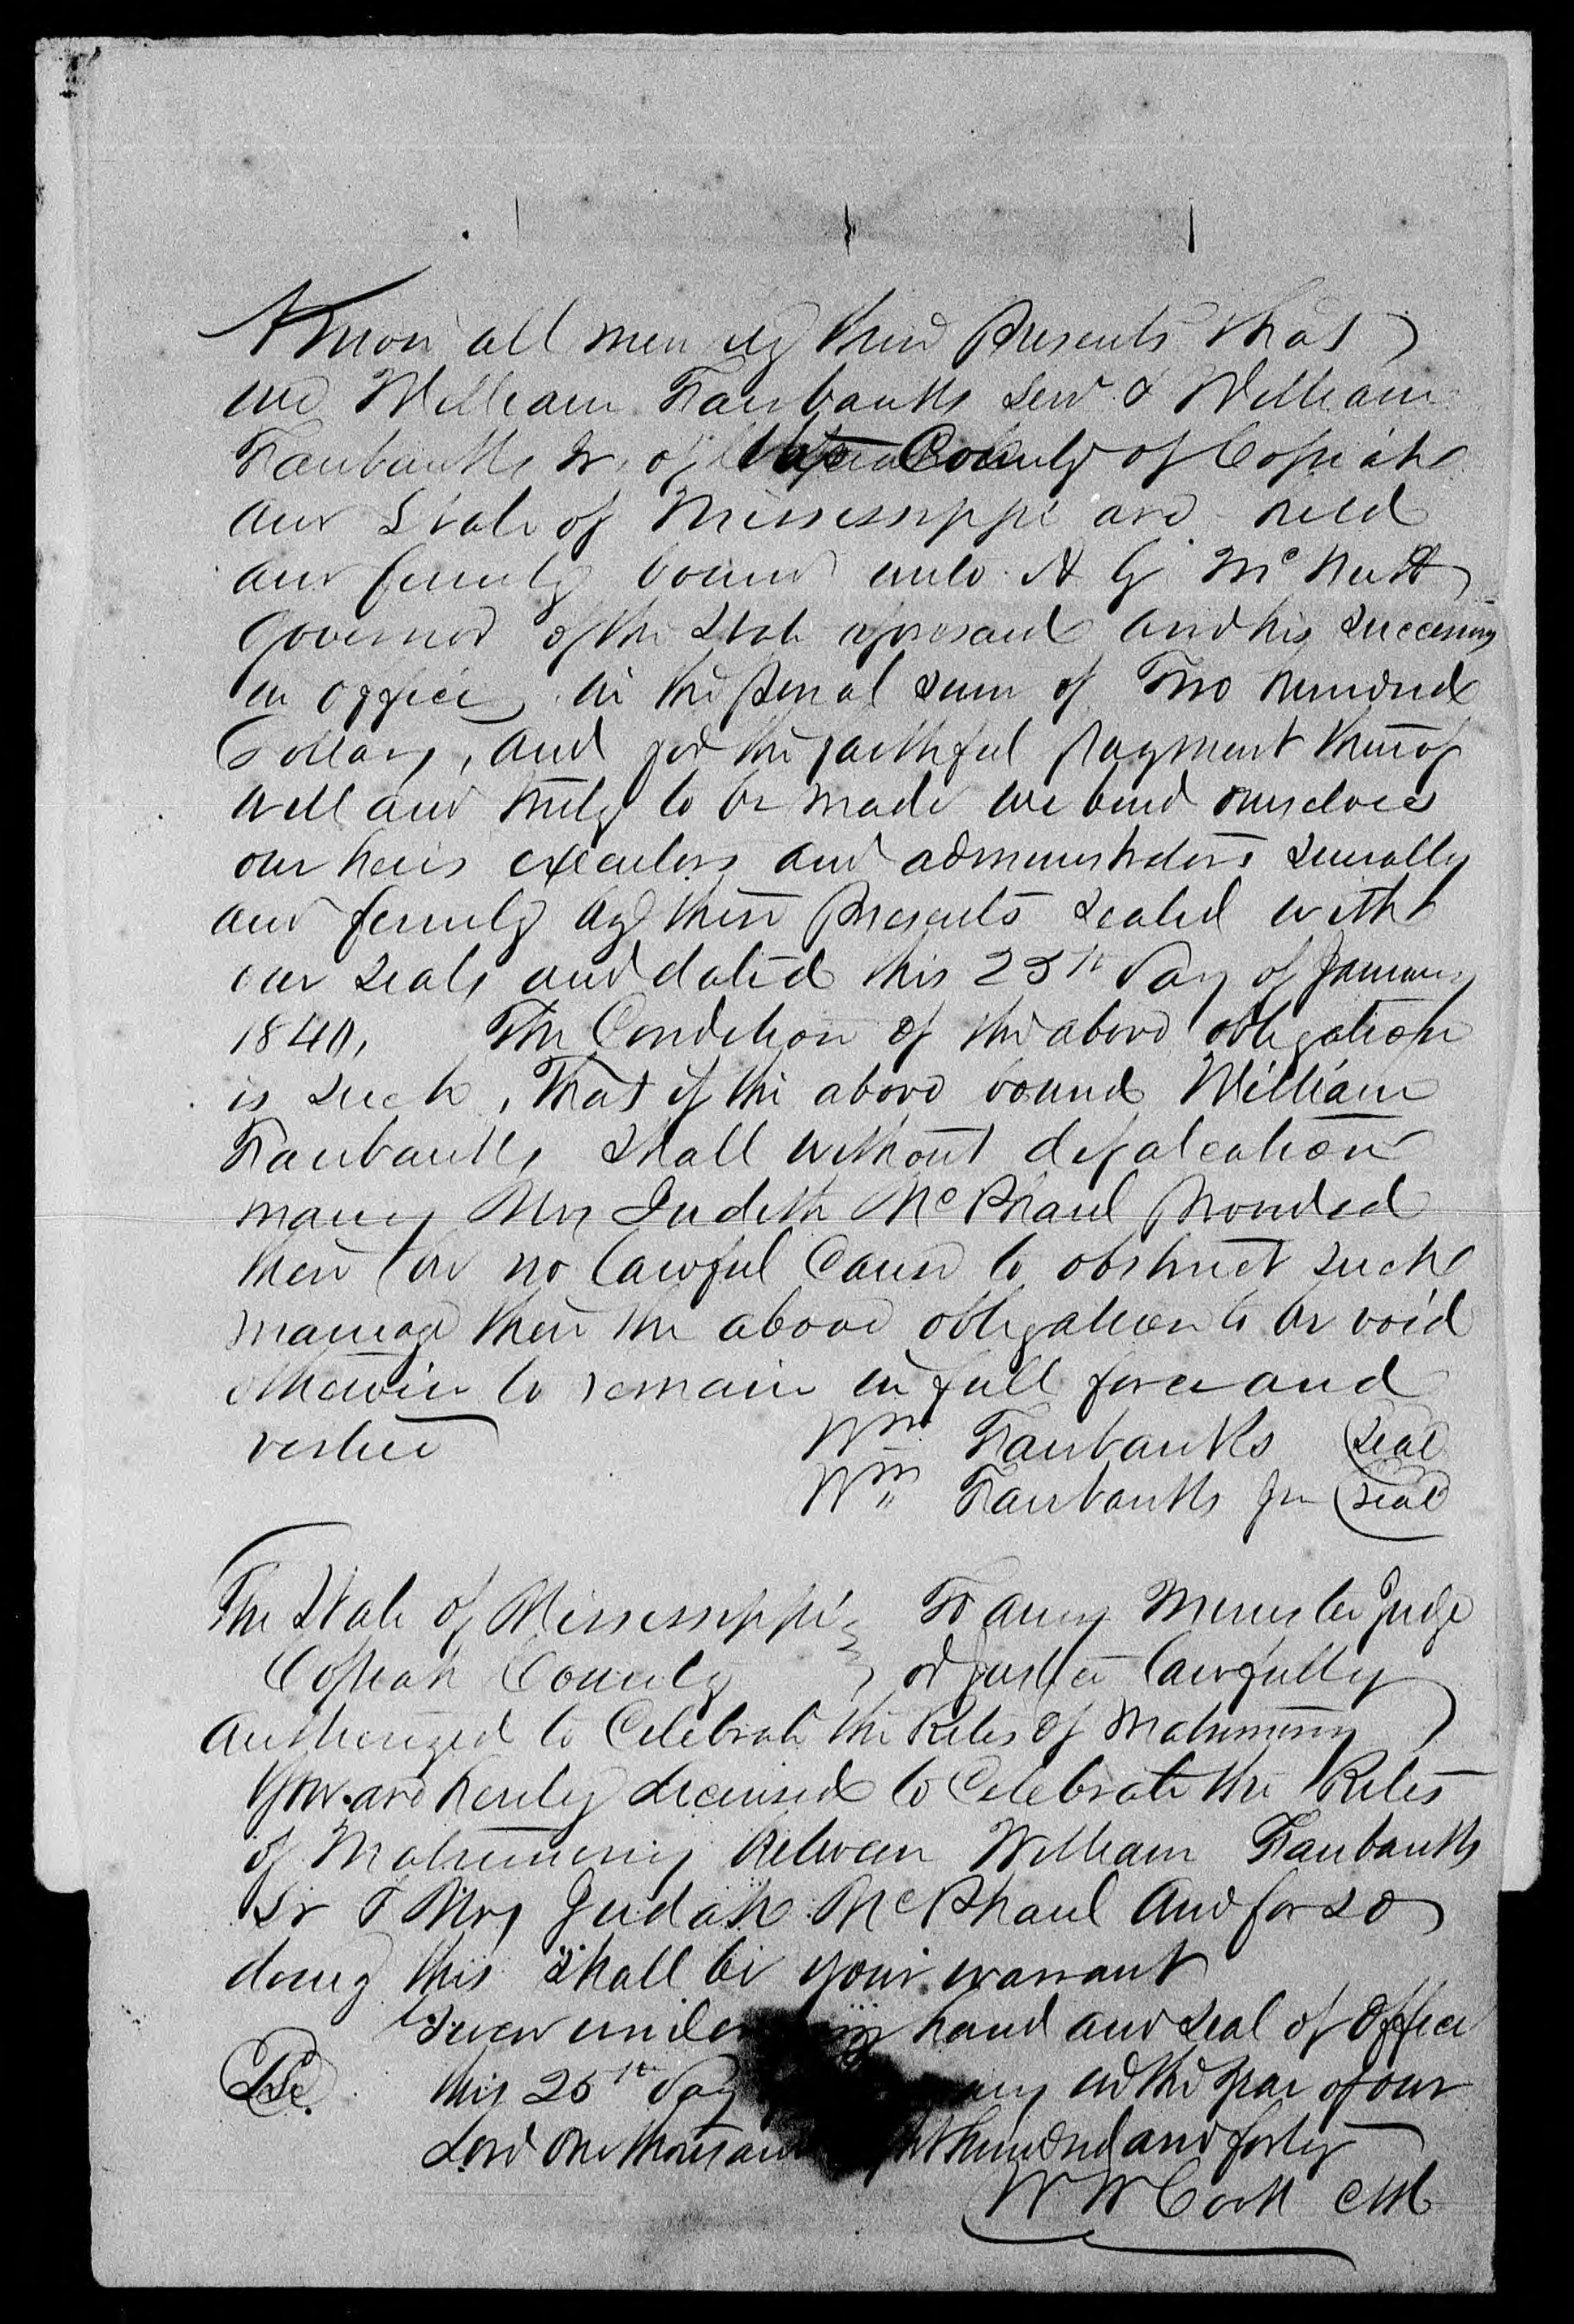Know all men by these presents that
we William Fairbanks Senr & William
Fairbanks Jr, of the County of Copiah 
and State of Mississippi and held
and firmly bound unto A. G. McNutt
Governor of the state aforesaid and his successors
in office in the penal sum of two hundred
dollars, and for the faithful payment thereof well and truly to be made we bind ourselves
our heirs executors and administrators severally
and firmly by these presents Sealed with
our seals and dated this 25th day of January
1840. The condition of the above obligation
is such, that if the above bound William
Fairbanks shall without defalcation
marry Mrs. Judith McPhaul provided
then nor no lawful cause to obstruct such
marriage then the above obligation to be void
otherwise to remain in full force and
virtue.

Wm Fairbanks (seal)
Wm Fairbands Jr (seal)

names: William Fairbanks, William Fairbanks, A G Mc Nutt, Judah Mc Phaul, William Fairbanks, Judith Mc Phaul, Wm Fairbanks, Fanny Munster, W W Cook, William Fairbanks, Wm Fairbanks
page: 5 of 17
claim: rejected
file: R. 3423, William Fairbanks, R.I.